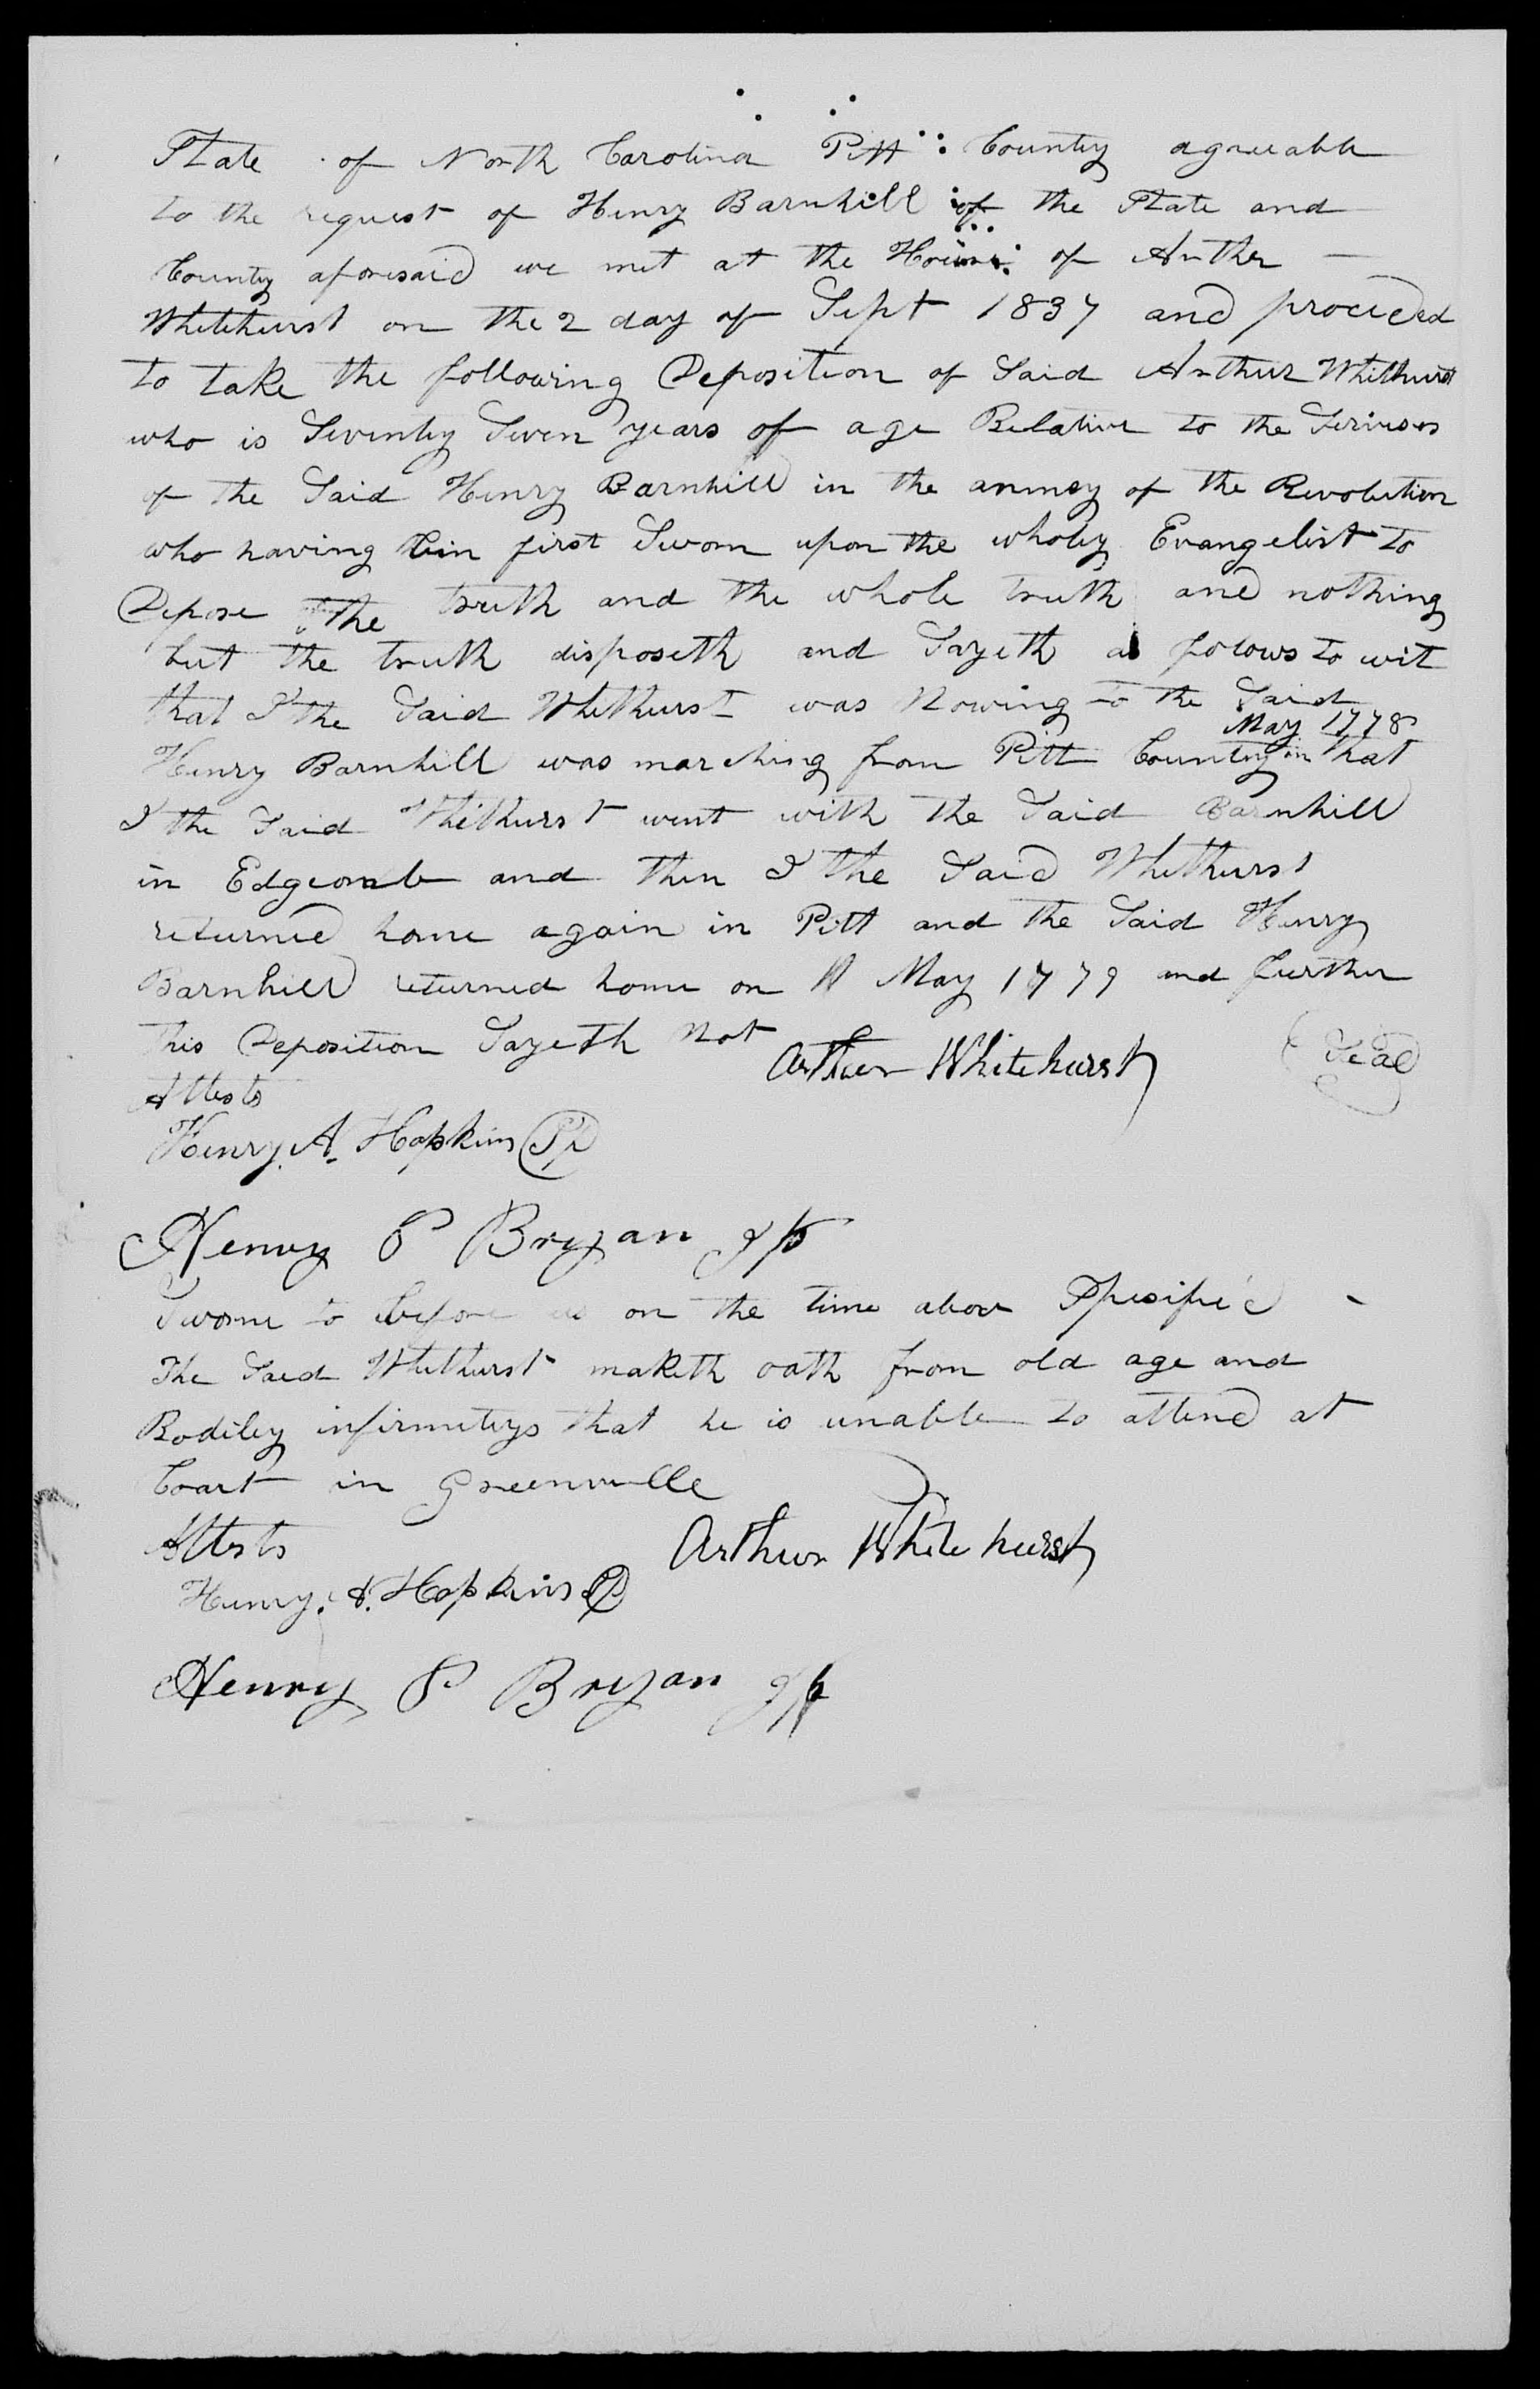State of North Caroline Pitt County agreeable to the request of Henry Barnhill of the State and County aforesaid we met at the House of Arthur - Whitehurst on the 2 day of Sept 1837 and proceeded to take the following Deposition of Said Arthur Whitehurst who is Seventy Seven years of age Relative to the Services of the Said Henry Barnhill in the army of the Revolution who having him first Sworn upon the wholy [sic: Holy] Evangelist to Depose the truth and the whole truth and nothing but the truth disposeth and Sayeth as follows to wit that the said Whitehurst was Nowing [sic: knowing] to the said Henry Barnhill was marching from Pitt county in that [noted above: May 1778] in that I the said Whitehurst went with the said Barnhill in Edgecomb and then I the said Whitehurst returned home again in Pitt and the said Henry Barnhill returned home on 11 May 1779 and further this Deposition Sayeth not 
S/Arthur Whitehurst [personal seal]
Attest
S/Henry A. Hopkins JP
Henry P Bryan JP

Sworn to before us on the time above specific - the said Whitehurst maketh oath from old age and Bodily infirmitys that he is unable to attend at court in Greenville
Attests
S/Henry A. Hopkins JP
S/Henry P Bryan JP
S/Arthur Whitehurst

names: Whithurst, Henry Barnhill, Arther Whitehurst, Henry A Hopkins, Arthur Whitehurst, Barnhill, Henry P Bryan, Henry Barnhill, Whithurst, Henry A Hopkins, Henry Barnhill, Arther Whitehurst, Arthur Whithurst, Henry Barnhill, Henry P Bryan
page: 18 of 42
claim: survivor's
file: S. 6579, Henry Barnhill, N. C.